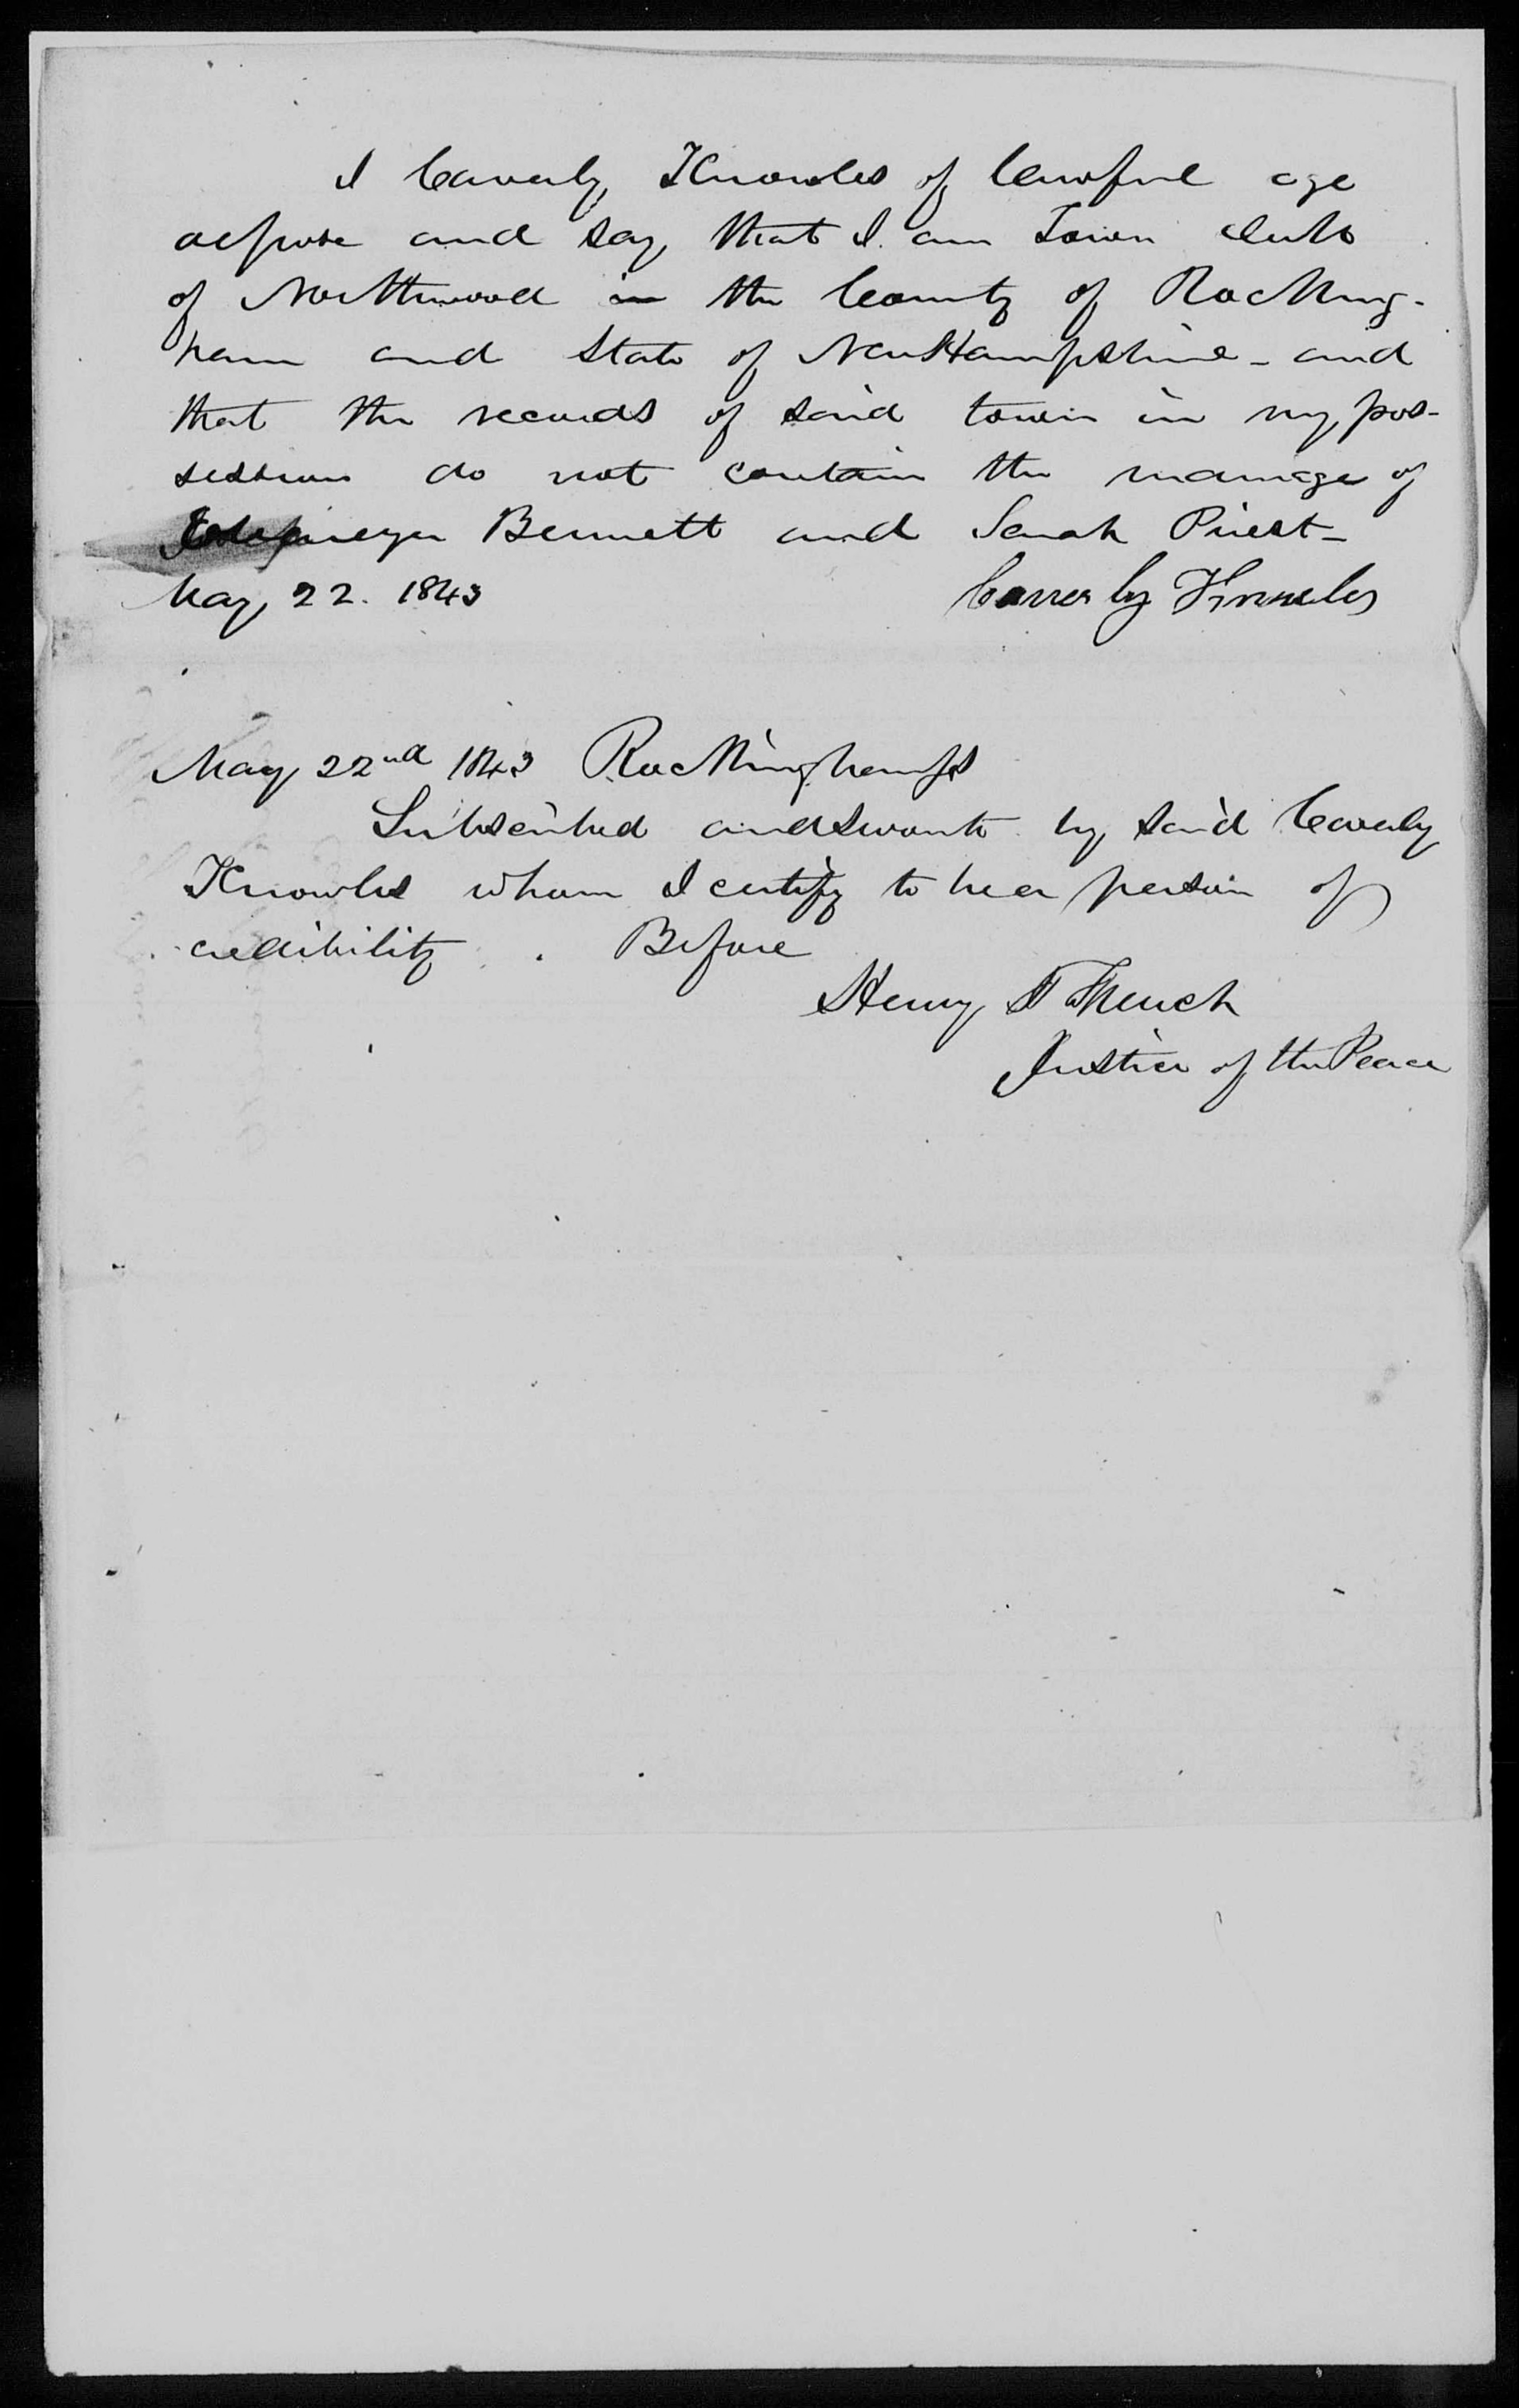I Caverly Knowles of lawful age depose and say that I am Town clerk of Northwood in the County of Rockingham and State of New Hampshire - and that the records of said town in my possession do not contain the marriage of Ebenezer Bennett and Sarah Priest -
May 22. 1843     Caverly Knowles

May 22nd 1843 Rockingham ss
Subscribed and sworn to by said Caverly Knowles whom I certify to be a person credibility.
Before
Henry F French
Justice of the Peace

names: Caverly Knowles, Caverly Knowles, Henry F French, Sarah Priest, Ebenezer Bennett, Caverly Knowles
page: 28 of 43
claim: widow's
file: W. 21665, Ebenezer Bennett, N. H. Privateer.